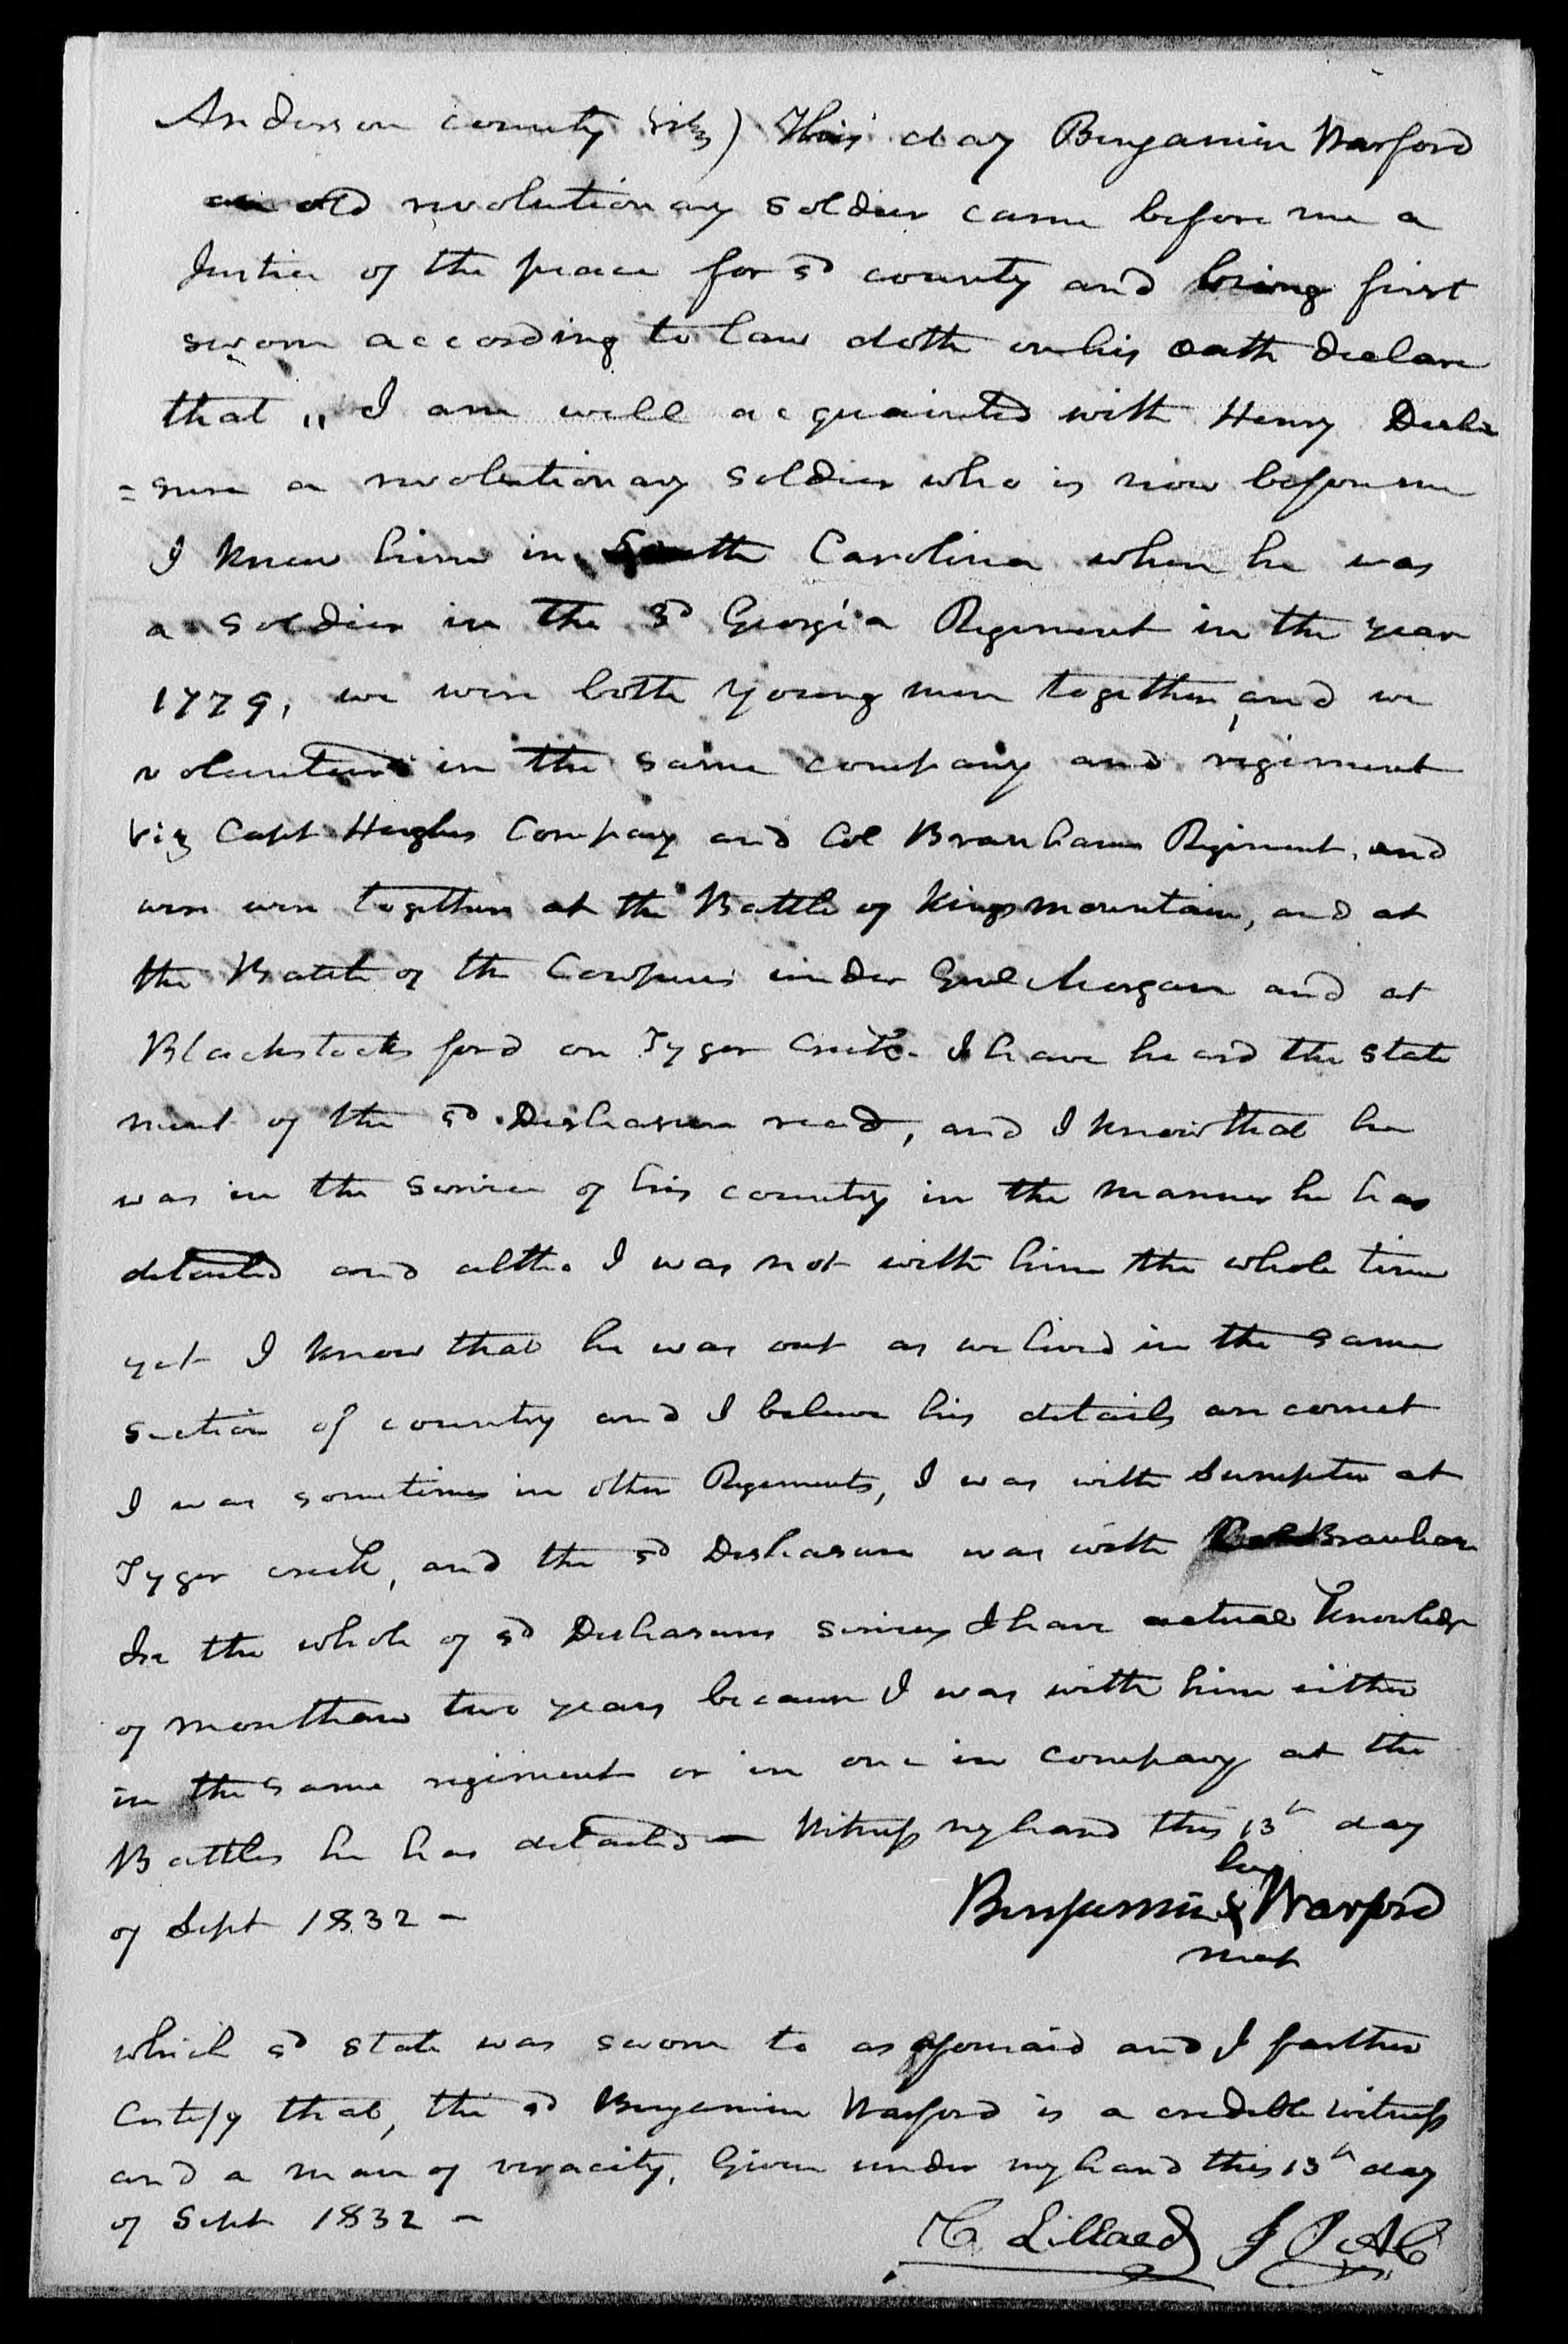Anderson County ss) This day Benjamin Warford an old revolutionary soldier came before me a Justice of the peace for sd County and being first sworn according to law doth on his oath declare that "I am well acquainted with Henry Deshasure a revolutionary soldier who is now before me I knew him in South Carolina when he was a soldier in the 3d George Regiment in the year 1779, we were both young men together, and we
volunteered in the same company and regiment being Capt Hughes Company and Col Branhams Regiment, and we were together at the Battle of Kings Mountain, and at
the Battle of the Cowpens under Genl Morgan and at Blackstocks ford on Tyger Creek. I have heard the Statement of the sd Deshasure read, and I know that he was in the service of his country in the manner he has detailed and altho I was not with him the whole time
yet I know that he was out as we lived in the same section of country and I believe his details are correct I was sometimes in other Regiments, I was with Sumpter at Tyger Creek, and the sd Deshasure was with Col Branham
In the whole of sd Deshasure serving I have actual knowledge of more than two years because I was with him either in the same regiment or in one in company at the Battles he has detailed Witness my hand this 13th
day of Sept 1832.
Benjamin Warford [X and the words "his mark" between first and last names]

which sd state was sworn to as aforesaid and I further certify that, the sd Benjamin Warford is a credible witness and a man of veracity. Given under my hand this 13th day of Sept 1832.
C. Lillard JOAC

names: Benjamin Warford, Henry Deshazure, Deshasure, C Lillard, Morgan, Benjamin Warford, Deshasure, Deshasure, Benjamin Warford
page: 10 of 12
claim: survivor's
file: S. 16,362, Henry Deshasure, Ga. S.C.